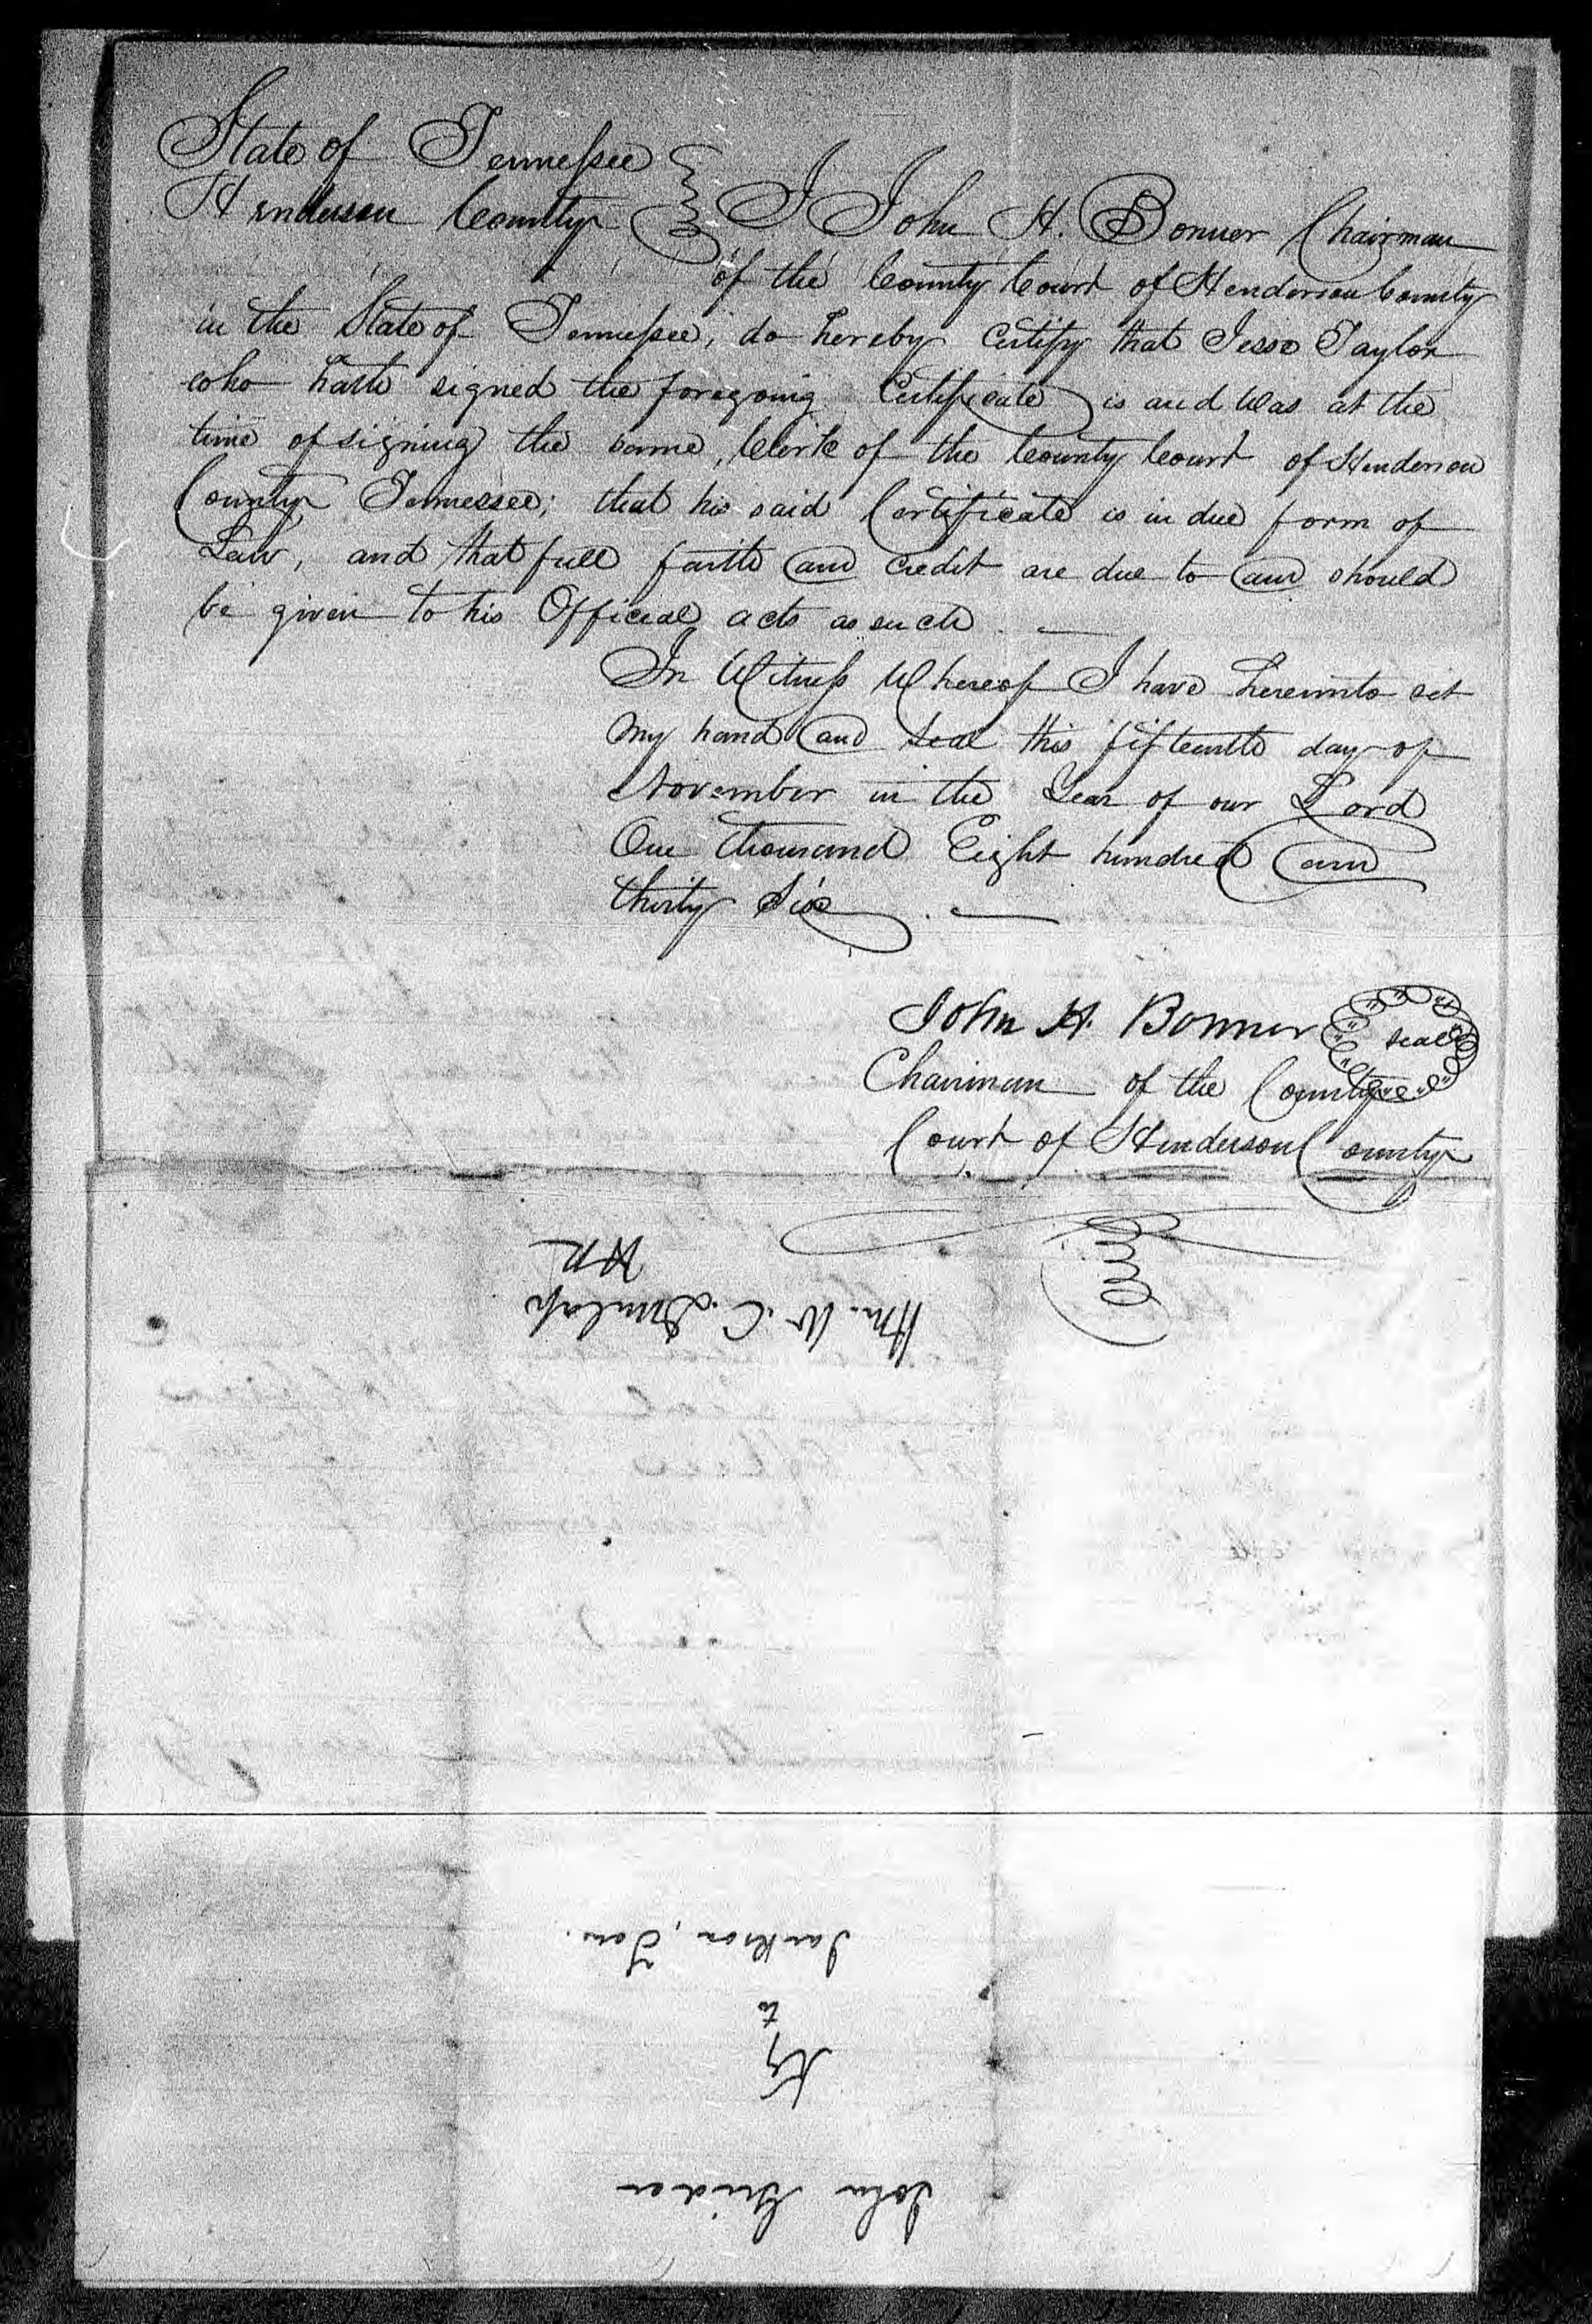State of Tennessee 
Henderson County  }  I John H Bonner Chairman of the County Court of Henderson County in the State of Tennessee, do hereby certify that Jesse Taylor who hath signed the foregoing certificate is and was at the time of signing this [illegible], Clerk of the County Court of Henderson County Tennessee; that his said certificate is in due form of Law and that full faith and credit are due and should be given to his official acts as such.-
In witness whereof I have hereunto set my hand and seal this fifteenth day of November in the year of our Lord one thousand eight hundred and thirty six.-    [signed] John H Bonner Chairman of the County Court of Henderson County


[upside down on page]  Mr. W. Dunlap

[illegible] to 
Jackson, Tenn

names: John H Bonner, John H Bonner, John Grider, W C Dunlap, Jesse Taylor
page: 38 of 91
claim: widow's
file: W 358, John Grider, N.C.